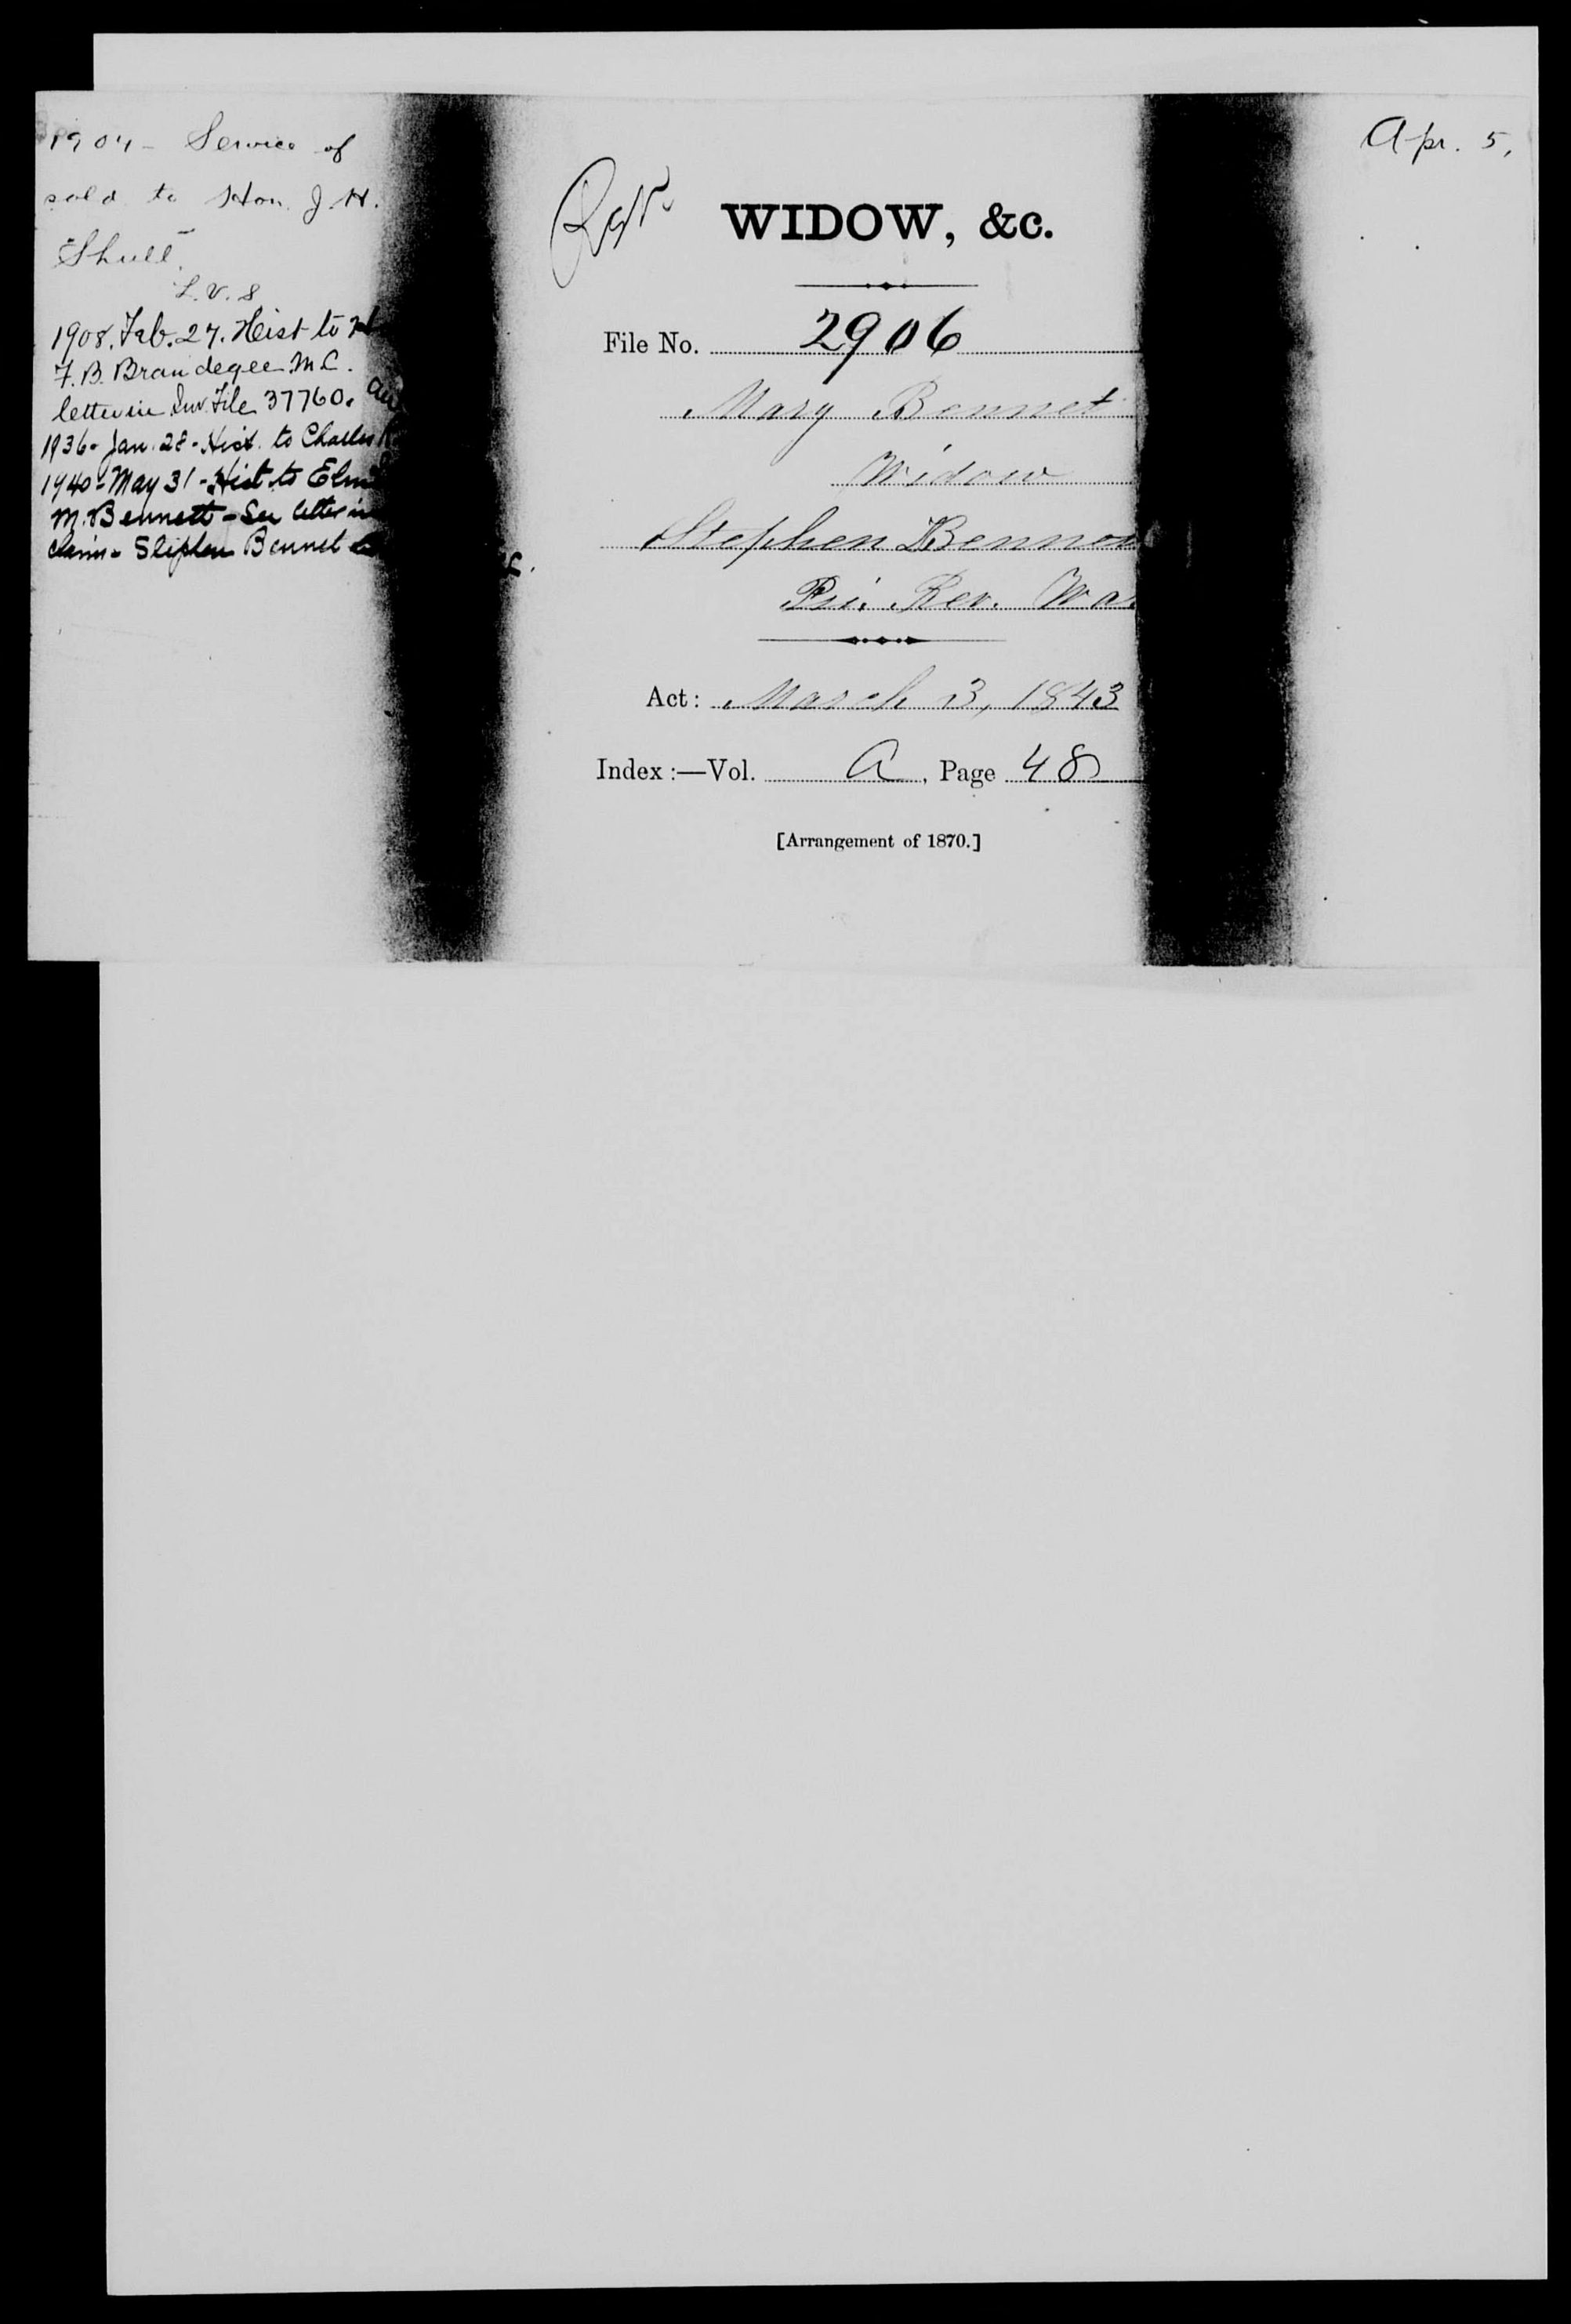1904 Service of
sold to Hon. J.H.
Shull
L.V.S
1908 Feb 27 Hist to
F.B. Brandegee M.C.
letter [illegible] File 37760
1936 Jan 28 Hist. to Charles
1940 May 31 Hist to Elm
M. Bennett See letter in
claim Stephen Bennet

Rgv
Widow, &c.
File No. 2906
Mary Bennet
Widow
Stephen Bennet
Pri. Rev. War
Act: March 3, 1843
Index: Vol. A, Page 48
Arrangement of 1870.

Apr. 5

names: Charles, Stephen Bennet, J H Shull, Mary Bennet, M Bennett, Stephen Bennet,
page: 20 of 79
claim: widow's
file: W. 2,906, Stephen Bennet, Conn.